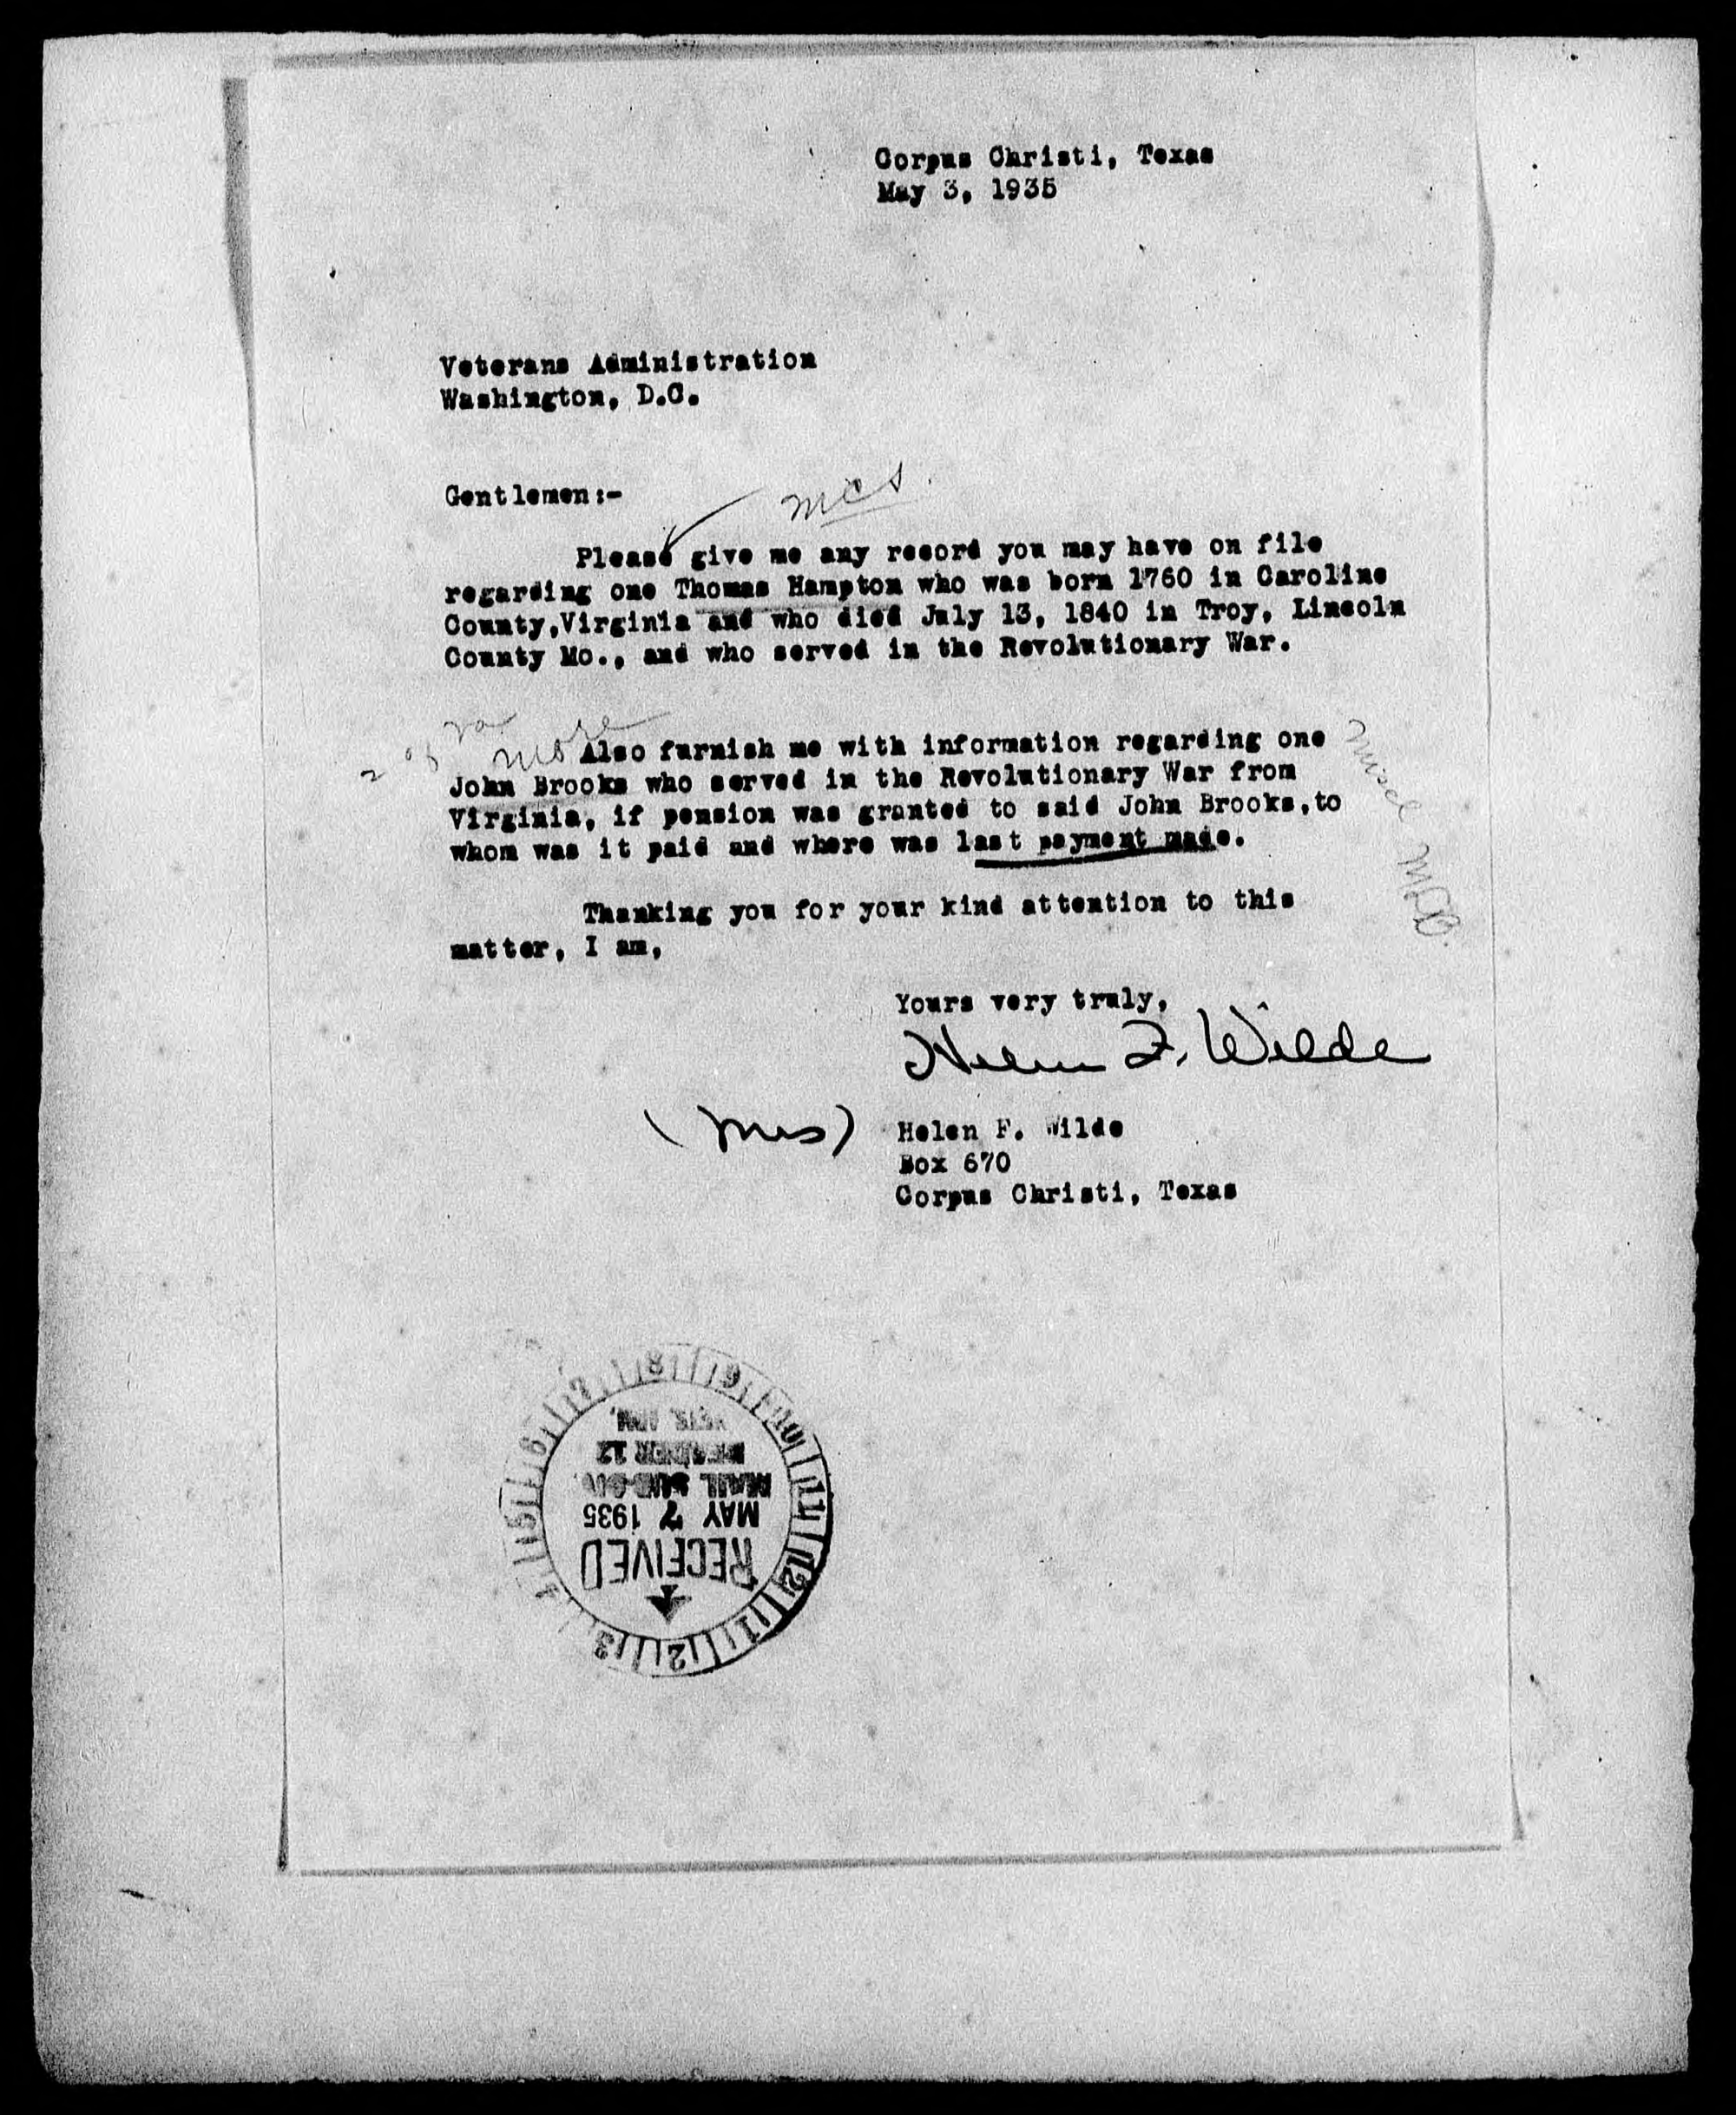Corpus Christi, Texas
May 3, 1935
Veterans Administration
Washington, D.C.
Gentlemen:-
Please give me any record you may have on file regarding one Thomas Hampton [side note: check mark MCS.] who was born 1760 in Caroline County, Virginia and who died July 13, 1840 in Troy, Lincoln County Mo., and who served in the Revolutionary War.
Also furnish me with information regarding one John Brooks [side note: 2 of Va more] who served in the Revolutionary War from Virginia, if pension was granted to said John Brooks, to whom it was paid and where was last payment made. [side note: miscl  MLB.]
Thanking you for your kind attention to this matter, I am,
Yours very truly,
Helen F. Wilde
(Mrs) Helen F. Wilde
Box 670
Corpus Christi, Texas


[Stamp:] RECEIVED MAY 7 1935
MAIL SUB-DIV. READER 12
VETS. ADM.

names: John Brooks, John Brooks, Helen F Wilde, Thomas Hampton, Helen F Wilde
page: 9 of 26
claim: survivor's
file: S. 16842, Thomas Hampton, Va.